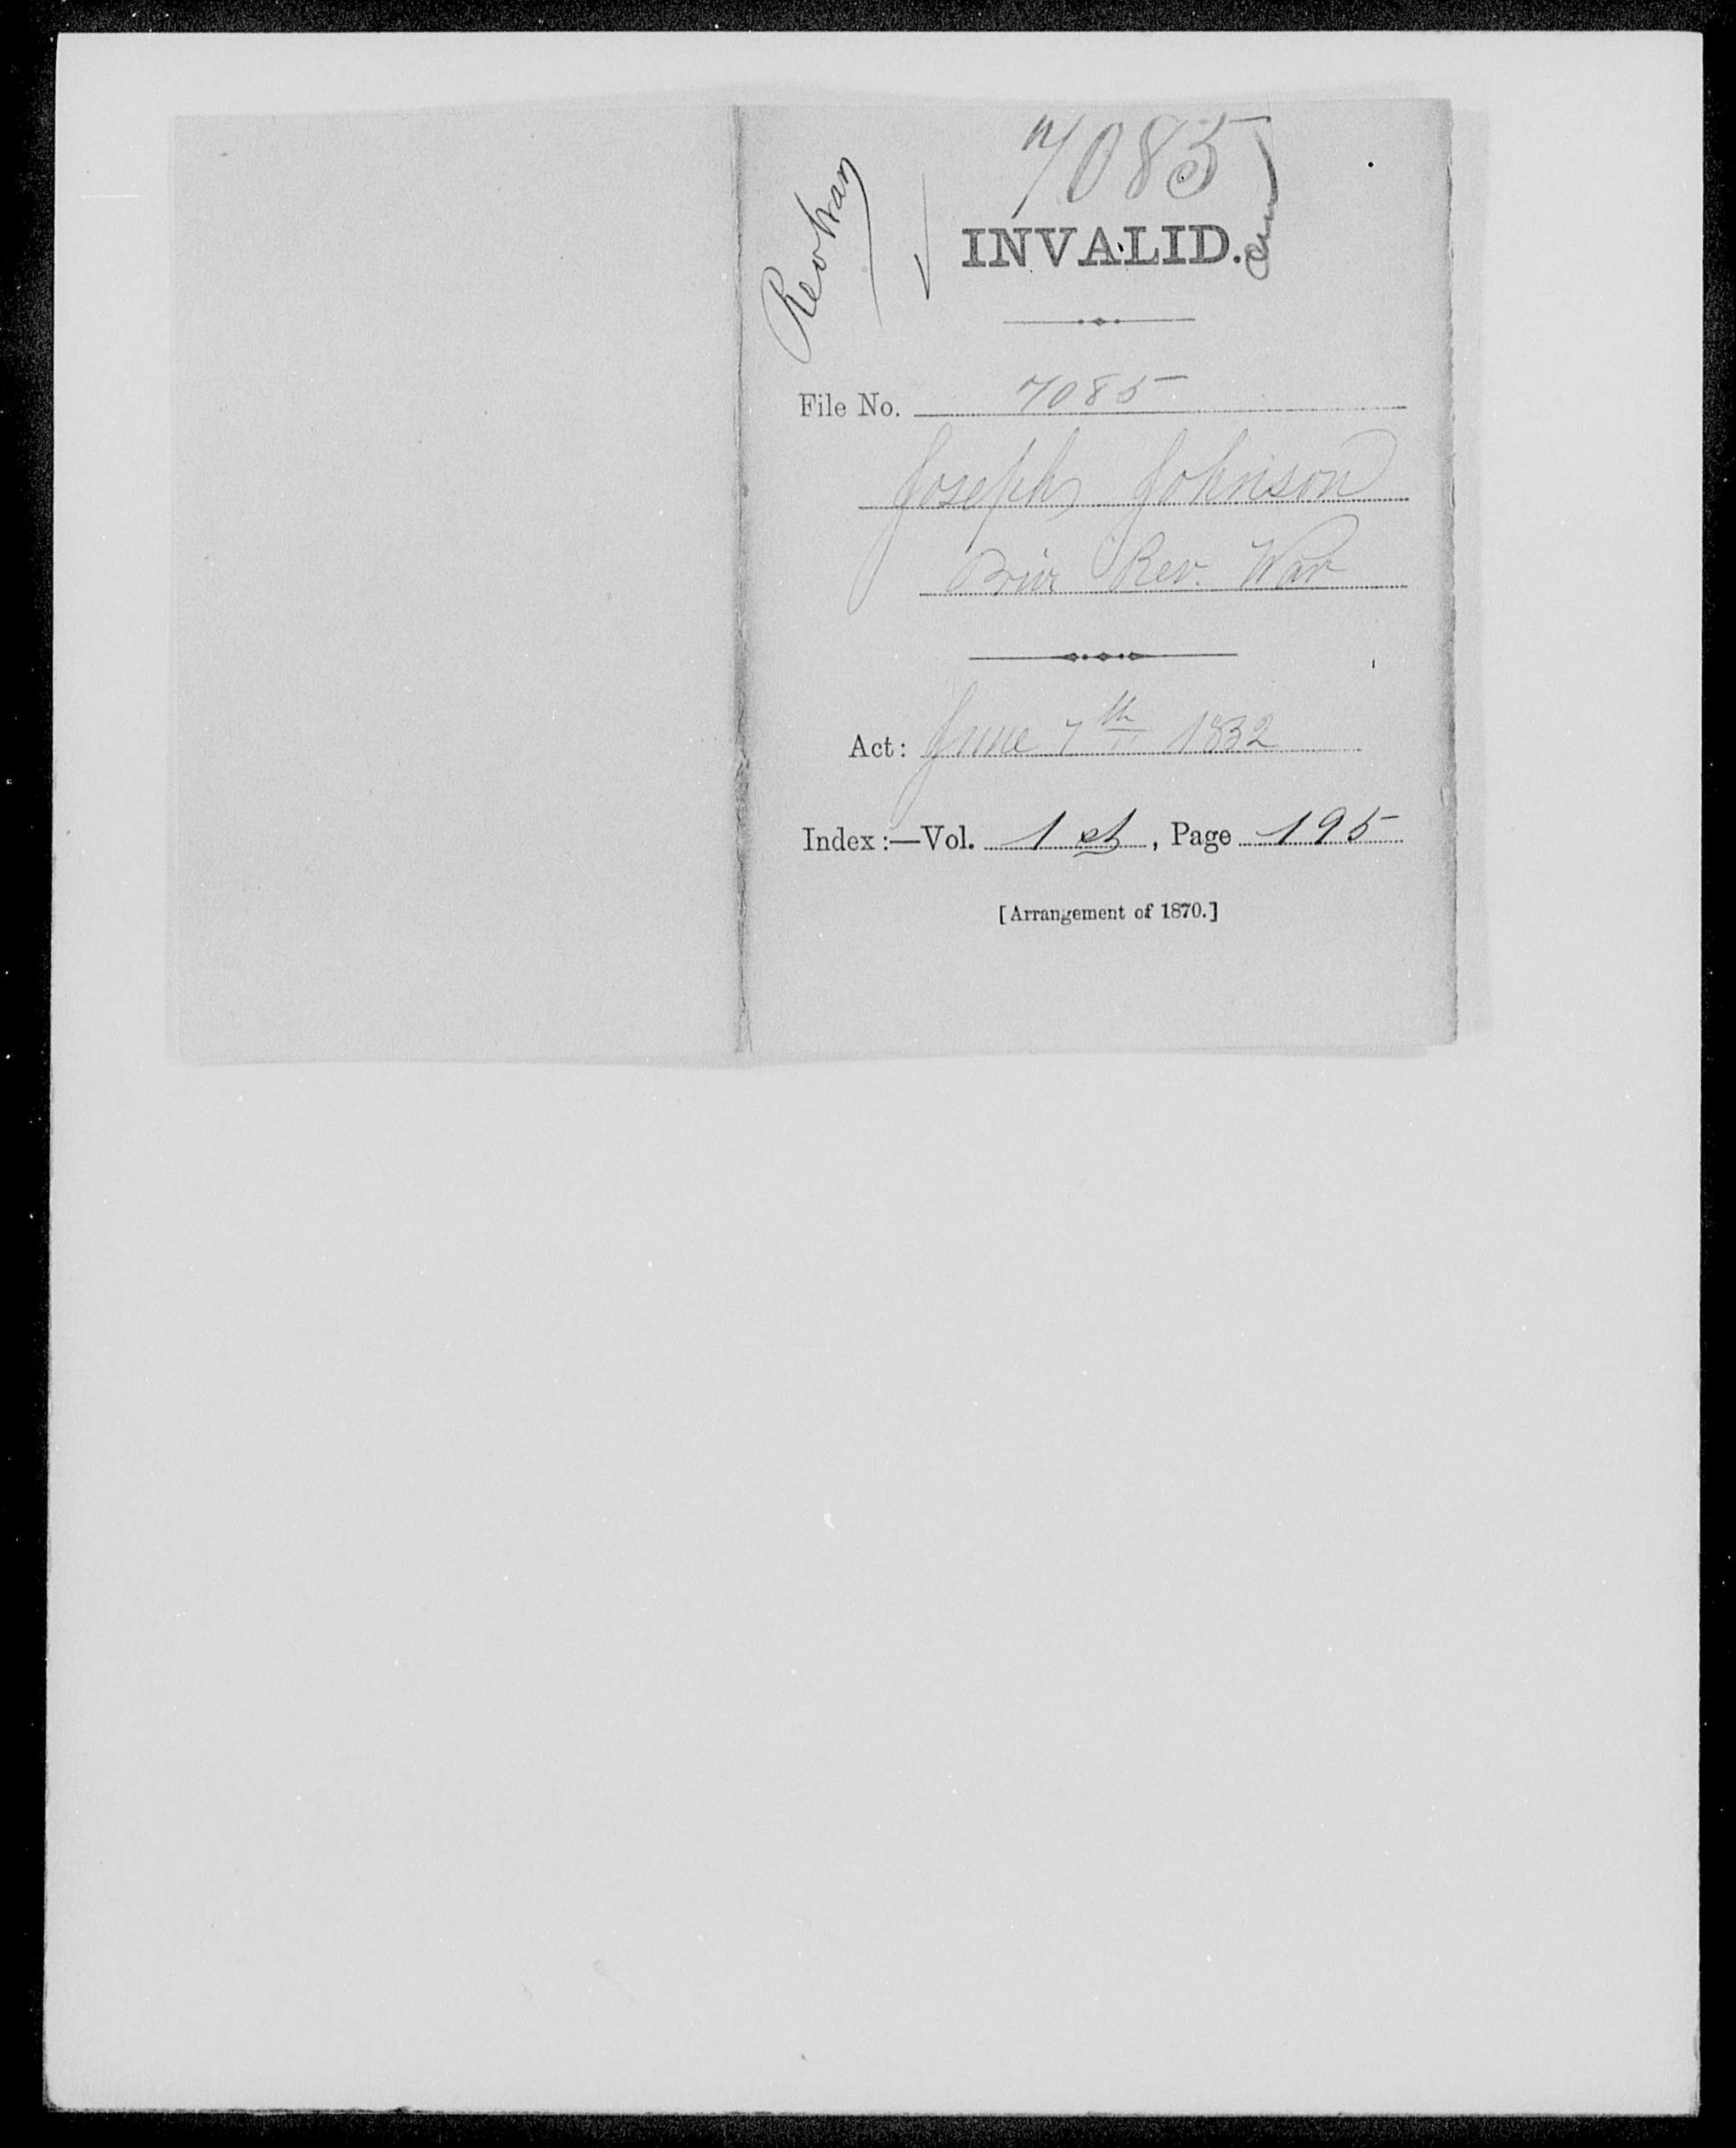Rev War
7083 [Illegible]
Invalid.
File No. 7085.
Joseph Johnson
Priv Rev. War
---
Act: June 7th 1832
Index: --Vol. 1, Page 195
Arrangement of 1870.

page: 9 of 9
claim: survivor's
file: S. 7085, for Joseph Johnson, North Carolina